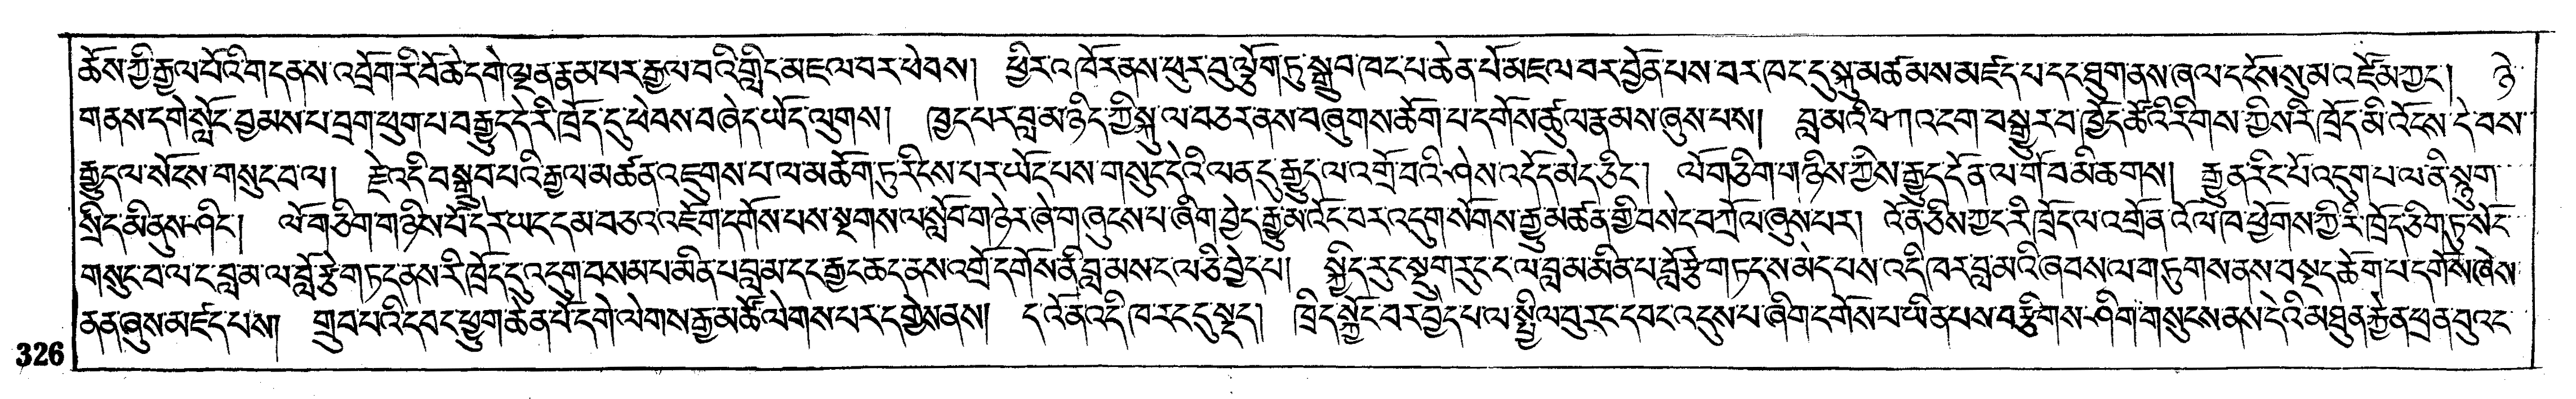ཆོས་ཀྱི་རྒྱལ་པོའི་གདན་ས་འབྲོག་རི་བོ་ཆེ་དགེ་ལྡན་རྣམ་པར་རྒྱལ་བའི་གླིང་མཇལ་བར་ཕེབས། ཕྱིར་འཁོར་ནས་ཕུར་བུ་ལྕོག་ཏུ་སྒྲུབ་ཁང་པ་ཆེན་པོ་མཇལ་བར་བྱོན་པས་བར་ཁང་དུ་སྐུ་མཚམས་མཛད་པ་དང་ཐུག་ནས་ཞལ་དངོས་སུ་མ་འཛོམ་ཀྱང་། ཉེ་
གནས་དགེ་སློང་བྱམས་པ་བྲག་ཕུག་པ་བརྒྱུད་དེ་རི་ཁྲོད་དུ་ཕེབས་བཞེད་ཡོད་ལུགས། ཁྱད་པར་བླ་མ་ཉིད་ཀྱི་སྐུ་ལ་བཅར་ནས་བཞུགས་ཆོག་པ་དགོས་ཚུལ་རྣམས་ཞུས་པས། བླ་མའི་བཀའ་ངག་བསྒྱུར་བ་ཁྱོད་ཚོའི་རིགས་ཀྱིས་རི་ཁྲོད་མི་འོངས་དེ་བས་
རྒྱུད་ལ་སོངས་གསུང་བ་ལ། རྗེ་འདི་པ་སྒྲུབ་པའི་རྒྱལ་མཚན་འཛུགས་པ་ལ་མཆོག་ཏུ་རིངས་པར་ཡོད་པས་གསུང་དེའི་ལན་དུ་རྒྱུད་ལ་འགྲོ་བའི་ཤེས་འདོད་མེད་ཅིང་། ལོ་གཅིག་གཉིས་ཀྱིས་རྒྱུད་དོན་ལ་གོ་བ་མི་ཆགས། རྒྱུན་རིང་པོ་འདུག་པ་ལ་ནི་སྙུག་
སྲིང་མི་ནུས་ཤིང་། ལོ་གཅིག་གཉིས་པོ་དེར་ཡང་དམ་བཅའ་འཇོག་དགོས་པས་སྔགས་ལ་སློབ་གཉེར་ཞེ་གཞུངས་པ་ཞིག་བྱེད་རྒྱུ་མི་འོང་བར་འདུག་སོགས་རྒྱུ་མཚན་གྱི་བསེད་བཀྲོལ་ཞུས་པར། འོ་ན་ཅིས་ཀྱང་རི་ཁྲོད་ལ་འགྲོ་ན་འོལ་ཁ་ཕྱོགས་ཀྱི་རི་ཁྲོད་ཅིག་ཏུ་སོང་
གསུང་བ་ལ་ང་བླ་མ་ལ་བློ་རྩེ་གཏད་ནས་རི་ཁྲོད་དུ་འདུག་བསམ་པ་མིན་པ་བླ་མ་དང་རྒྱང་ཆད་ནས་འགྲོ་དགོས་ན་བླ་མས་ང་ལ་ཅི་བྱེད་པ། སྐྱིད་རུང་སྡུག་རུང་ང་ལ་བླ་མ་མིན་པ་བློ་རྩེ་གཏད་ས་མེད་པས་འདི་ཁར་བླ་མའི་ཞབས་ལ་གཏུགས་ནས་བསྡད་ཆོག་པ་དགོས་ཞེས་
ནན་ཞུས་མཛད་པས། གྲུབ་པའི་དབང་ཕྱུག་ཆེན་པོ་དགེ་ལེགས་རྒྱ་མཚོ་ལེགས་པར་དགྱེས་ནས། ད་འོ་ན་འདི་ཁ་རང་དུ་སྡོད། ཁྲིད་སྐྱོང་བར་བྱེད་པ་ལ་སྤྱིལ་བུ་རང་དབང་འདུས་པ་ཞིག་དགོས་པ་ཡིན་པས་བརྩིགས་ཤིག་གསུངས་ནས་དེའི་མཐུན་རྐྱེན་ཕྲན་བུའང་